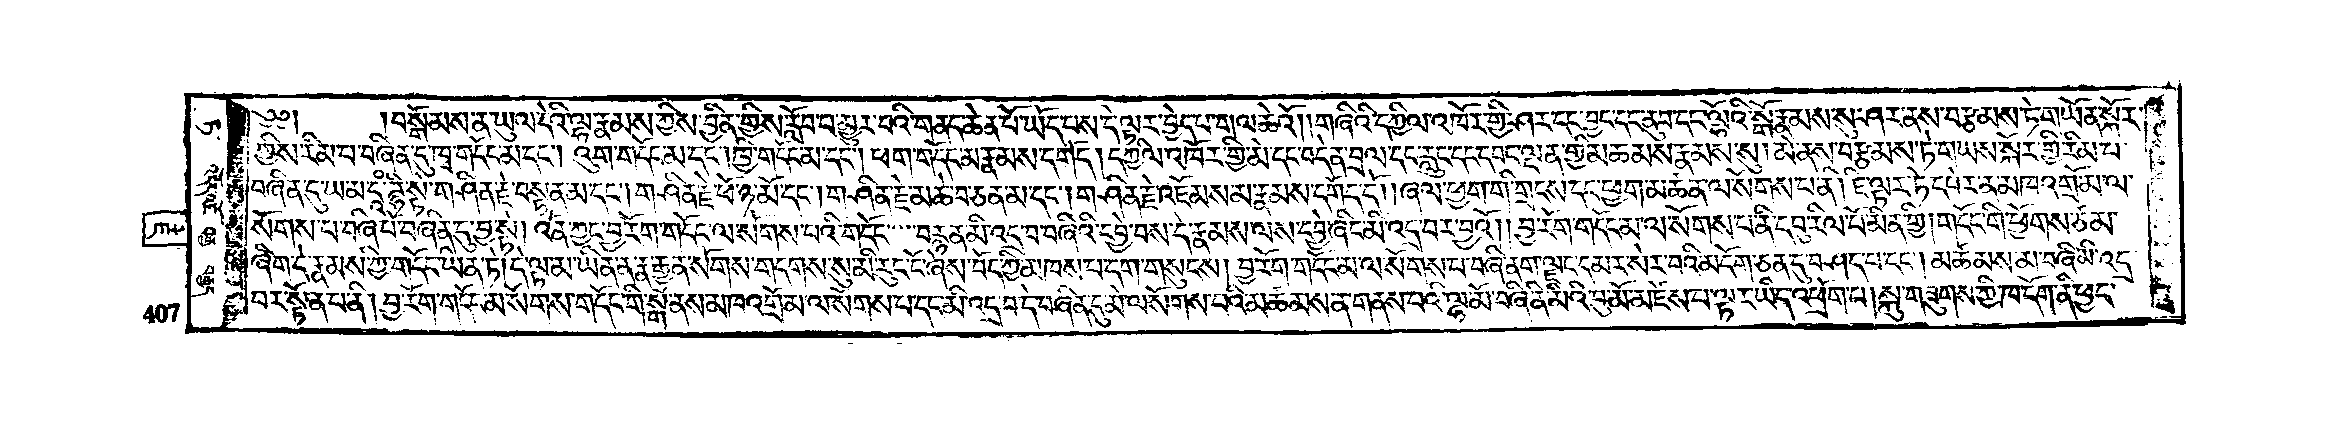༄༅། །བསྒོམས་ན་ཡུལ་དེའི་ལྷ་རྣམས་ཀྱིས་བྱིན་གྱིས་རློབ་པ་མྱུར་བའི་གནད་ཆེན་པོ་ཡོད་པས་དེ་ལྟར་བྱེད་པ་གལ་ཆེའོ། །གཞིའི་དཀྱིལ་འཁོར་གྱི་ཤར་དང་བྱང་དང་ནུབ་དང་ལྷོའི་སྒོ་རྣམས་སུ་ཤར་ནས་བརྩམས་ཏེ་གཡོན་སྐོར་
གྱིས་རིམ་པ་བཞིན་དུ་ཁྭ་གདོང་མ་དང་། འུག་གདོང་མ་དང་། ཁྱི་གདོང་མ་དང་། ཕག་གདོང་མ་རྣམས་དགོད། དཀྱིལ་འཁོར་གྱི་མེ་དང་བདེན་བྲལ་དང་རླུང་དང་དབང་ལྡན་གྱི་མཚམས་རྣམས་སུ། མེ་ནས་བརྩམས་ཏེ་གཡས་སྐོར་གྱི་རིམ་པ་
བཞིན་དུ་ཡ་མ་དཱཾ་ཌྷི་སྟེ་གཤིན་རྗེ་བསྟན་མ་དང་། གཤིན་རྗེ་ཕོ་ཉ་མོ་དང་། གཤིན་རྗེ་མཆེ་བ་ཅན་མ་དང་། གཤིན་རྗེ་འཇོམས་མ་རྣམས་དགོད་དོ། །ཞལ་ཕྱག་གི་གྲངས་དང་ཕྱག་མཚན་ལ་སོགས་པ་ནི། ཇི་ལྟར་ཏེ་དཔེར་ན་མཁའ་འགྲོ་མ་ལ་
སོགས་པ་བཞི་པོ་བཞིན་དུ་བྱ་སྟེ། འོན་ཀྱང་བྱ་རོག་གདོང་ལ་སོགས་པའི་གདོང་བརྙན་མི་འདྲ་བ་བཞིའི་དབྱེ་བས་དེ་རྣམས་ལས་དབྱེ་ཞིང་མི་འདྲ་བར་བྱའོ། །བྱ་རོག་གདོང་མ་ལ་སོགས་པ་ནི་དབུ་རིལ་པོ་མིན་གྱི། གདོང་གི་ཕྱོགས་ཙམ་
ཞིག་དེ་རྣམས་ཀྱི་གདོང་ཡིན་ཏེ། དེ་ལྟ་མ་ཡིན་ན་རྣ་རྒྱན་སོགས་གདགས་སུ་མི་རུང་ངོ་ཞེས་བོད་ཀྱི་མཁས་པ་དག་གསུངས། བྱ་རོག་གདོང་མ་ལ་སོགས་པ་བཞི་ནག་ལྗང་དམར་སེར་བའི་མདོག་ཅན་དུ་བཤད་པ་དང་། མཚམས་མ་བཞི་མི་འདྲ་
བར་སྟོན་པ་ནི། བྱ་རོག་གདོང་མ་སོགས་གདོང་གི་སྒོ་ནས་མཁའ་འགྲོ་མ་ལ་སོགས་པ་དང་མི་འདྲ་བ་དེ་བཞིན་དུ་མེ་ལ་སོགས་པའི་མཚམས་ན་གནས་པའི་ལྷ་མོ་བཞི་ནི་མིའི་བུ་མོ་མཛེས་པ་ལྟར་ཡིད་འཕྲོག་པ། སྐུ་གཟུགས་ཀྱི་ཁ་དོག་ནི་ཕྱད་